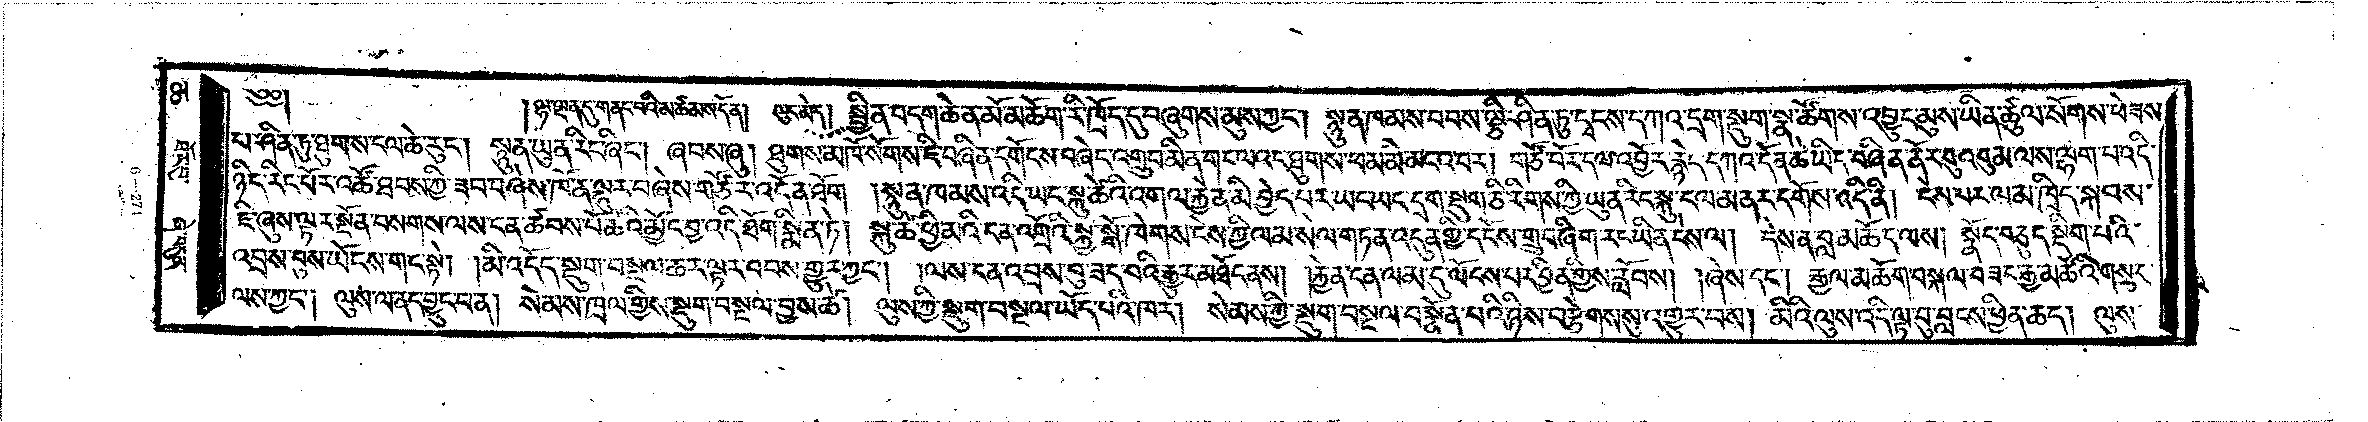༄༅། །ལྷ་ལྡན་དུ་གནང་བའི་མཚམས་དོན། ལུང་མེད།  སྦྱིན་བདག་ཆེན་མོ་མཆོག་རི་ཁྲོད་དུ་བཞུགས་མུས་ཀྱང་། སྙུན་ཁམས་བབས་ལྕི་ཤིན་ཏུ་དྭངས་དཀའ་དྲག་སྡུག་སྣ་ཚོགས་འབྱུང་མུས་ཡིན་ཚུལ་སོགས་ཕེབས་
པ་ཤིན་ཏུ་ཐུགས་ངལ་ཆེ་རུང་། སྙུན་ཡུན་རིང་ཞིང་། ཞབས་ཞུ། ཐུགས་མཁོ་སོགས་ཇི་བཞིན་དགོངས་བཞེད་འགྲུབ་མིན་གང་ལའང་ཐུགས་ཕམ་མི་མངའ་བར། གཙོ་བོར་དལ་འབྱོར་རྙེད་དཀའ་དོན་ཆེ་ཡིད་བཞིན་ནོར་བུ་འབུམ་ལས་ལྷག་པ་འདི་
ཉིད་རིང་པོར་འཚོ་ཐབས་ཀྱི་ཟབ་བཞེས་ཁོ་ན་ལྷུར་བཞེས་གཙོར་འདོན་ཐོག །སྙུན་ཁམས་འདི་ཡང་སྐུ་ཚེའི་འགལ་རྐྱེན་མི་བྱེད་པར་ཡང་ཡང་དྲག་སྡུག་ཅི་རིགས་ཀྱི་ཡུན་རིང་སྐུ་ངལ་མནར་དགོས་འདི་ནི། ངེས་པར་ལམ་ཁྲིད་སྐབས་
ཇི་ཞུས་ལྟར་སྔོན་བསགས་ལས་ངན་ཚབས་པོ་ཚེའི་མྱོང་བྱ་འདི་ཐོག་སྨིན་ཏེ། སྐུ་ཚེ་ཕྱི་མའི་ངན་འགྲོའི་སྐྱ་སྒོ་ཁེགས་ངེས་ཀྱི་ལམ་སེལ་གཏན་འདུན་གྱི་དངོས་གྲུབ་ཞིག་རང་ཡིན་ངེས་ལ། དེས་ན་བླ་མཆོད་ལས། སྣོད་བཅུད་སྡིག་པའི་
འབྲས་བུས་ཡོངས་གང་སྟེ། །མི་འདོད་སྡུག་བསྔལ་ཆར་ལྟར་བབས་གྱུར་ཀྱང་། །ལས་ངན་འབྲས་བུ་ཟད་བའི་རྒྱུར་མཐོང་ནས། །རྐྱེན་ངང་ལམ་དུ་ལོངས་པར་བྱིན་གྱིས་རློབས། །ཞེས་དང་། རྒྱལ་མཆོག་བསྐལ་བཟང་རྒྱ་མཚོའི་གསུང་
ལས་ཀྱང་། ལུས་ལ་ནད་བྱུང་བ་ན། སེམས་ཁྲལ་གྱིས་སྡུག་བསྔལ་བྱས་ཚེ། ལུས་ཀྱི་སྡུག་བསྔལ་ཡོད་པའི་ཁར། སེམས་ཀྱི་སྡུག་བསྔལ་བསྣོན་པའི་ཉིས་བརྩེགས་སུ་འགྱུར་བས། མིའི་ལུས་འདི་ལྟ་བུ་བླངས་ཕྱིན་ཆད། ལུས་